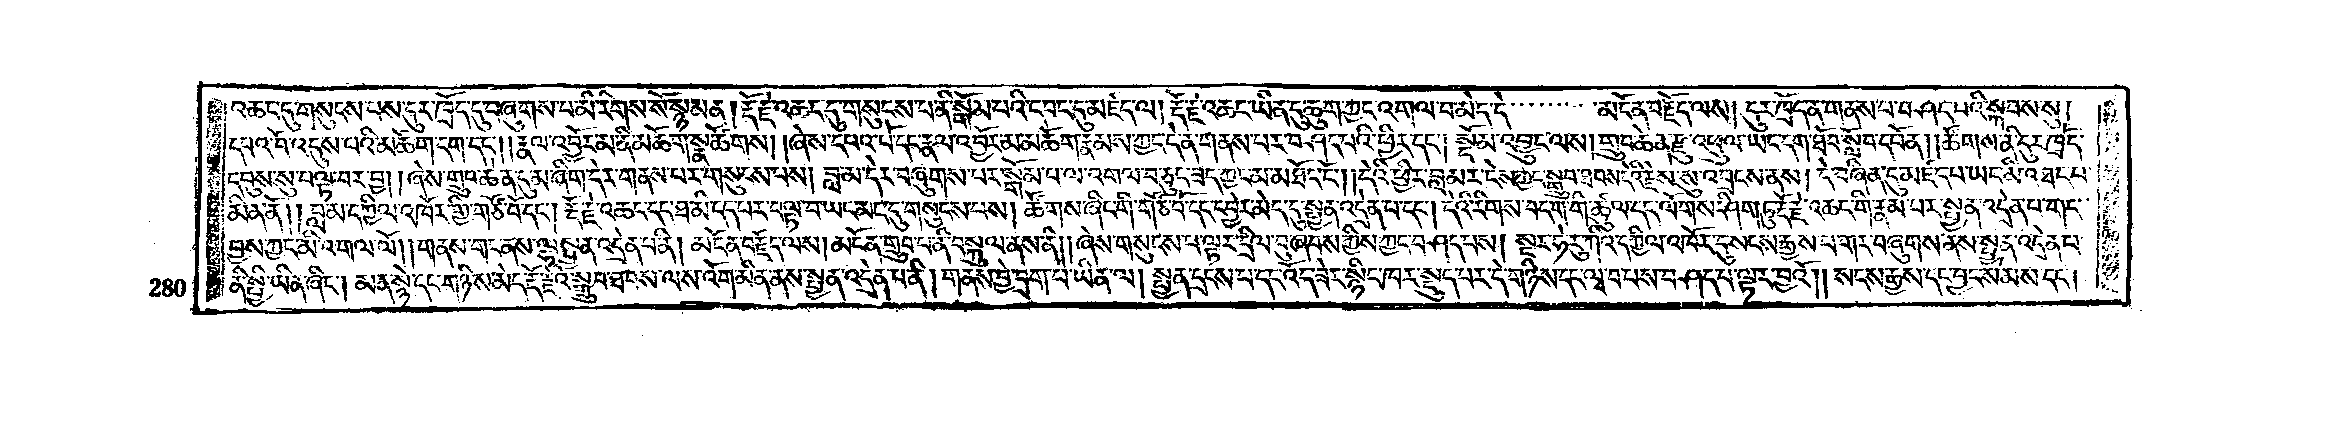འཆང་དུ་གསུངས་པས་དུར་ཁྲོད་དུ་བཞུགས་པ་མི་རིགས་སོ་སྙམ་ན། རྡོ་རྗེ་འཆང་དུ་གསུངས་པ་ནི་སྒོམ་པའི་དབང་དུ་མཛད་ལ། རྡོ་རྗེ་འཆང་ཡིན་དུ་ཆུག་ཀྱང་འགལ་བ་མེད་དེ་མངོན་བརྗོད་ལས། དུར་ཁྲོད་ན་གནས་པ་བཤད་པའི་སྐབས་སུ།
དཔའ་བོ་འདུས་པའི་མཆོག་དག་དང་། །རྣལ་འབྱོར་མ་ནི་མཆོག་སྣ་ཚོགས། །ཞེས་དཔའ་བོ་དང་རྣལ་འབྱོར་མ་མཆོག་རྣམས་ཀྱང་དེ་ན་གནས་པར་བཤད་པའི་ཕྱིར་དང་། སྡོམ་འབྱུང་ལས། གྲུབ་ཆེན་རྫུ་འཕྲུལ་ཡང་དག་ཐོབ་སློབ་དཔོན། །ཚོགས་ནི་དུར་ཁྲོད་
དབུས་སུ་བལྟ་བར་བྱ། །ཞེས་གྲུབ་ཆེན་དུ་མ་ཞིག་དེར་གནས་པར་གསུངས་པས། བླ་མ་དེར་བཞུགས་པར་སྒོམ་པ་ལ་འགལ་བ་ཅུང་ཟད་ཀྱང་མ་མཐོང་ངོ། །དེའི་ཕྱིར་བླ་མར་ངེས་ཀྱང་སྒྲུབ་ཐབས་དེའི་རྗེས་སུ་འབྲངས་ནས། དེ་བཞིན་དུ་མཛད་པ་ཡང་མི་འཐད་པ་
མིན་ནོ། །བླ་མ་དཀྱིལ་འཁོར་གྱི་གཙོ་བོ་དང་། རྡོ་རྗེ་འཆང་དང་ཐ་མི་དད་པར་བལྟ་བ་ཡང་མང་དུ་གསུངས་པས། ཚོགས་ཞིང་གི་གཙོ་བོ་དང་དབྱེར་མེད་དུ་སྤྱན་འདྲེན་པ་དང་། དེའི་རིགས་བདག་གི་ཚུལ་དང་ལོགས་ཤིག་ཏུ་རྡོ་རྗེ་འཆང་གི་རྣམ་པར་སྤྱན་འདྲེན་པ་གང་
བྱས་ཀྱང་མི་འགལ་ལོ། །གནས་གང་ནས་ལྷ་སྤྱན་འདྲེན་པ་ནི། མངོན་བརྗོད་ལས། མངོན་གྲུབ་པ་ནི་བསྐུལ་ནས་ནི། །ཞེས་གསུངས་པ་ལྟར་དྲིལ་བུ་ཞབས་ཀྱིས་ཀྱང་བཤད་པས། སྔར་ཧེ་རུ་ཀའི་དཀྱིལ་འཁོར་དུ་སངས་རྒྱས་པ་གར་བཞུགས་ནས་སྤྱན་འདྲེན་པ་
ནི་སྤྱི་ཡིན་ཞིང་། མན་སྙེ་དང་གཉིས་མེད་རྡོ་རྗེའི་སྒྲུབ་ཐབས་ལས་འོག་མིན་ནས་སྤྱན་འདྲེན་པ་ནི། གནས་བྱེ་བྲག་པ་ཡིན་ལ། སྤྱན་དྲངས་པ་དང་འོད་ཟེར་སྙིང་ཁར་སྡུད་པར་དེ་གཉིས་དང་ལྭ་བ་པས་བཤད་པ་ལྟར་བྱའོ། །སངས་རྒྱས་དང་བྱང་སེམས་དང་།